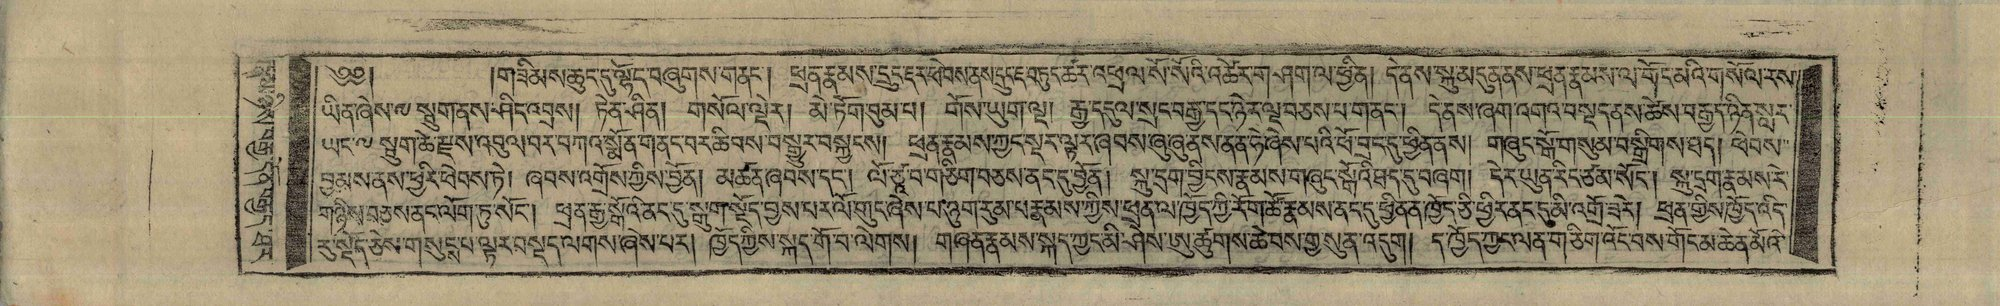༄༅། །གཟིམས་ཆུང་དུ་ལྷོད་བཞུགས་གནང་། ཕྲན་རྣམས་དྲུང་ཇར་ཕེབས་ནས་དྲུང་ཇ་བཏུང་ཚར་འཕྲལ་སོ་སོའི་འཚེར་གཤག་ལ་ཕྱིན། དེ་ནས་སྐུ་མདུན་ནས་ཕྲན་རྣམས་ལ་གོང་མའི་གསོལ་རས་
ཡིན་ཞེས་༧སྦུག་ནས་ཤིང་འབྲས། ཏེན་ཤིན། གསོལ་ལྡེར། མེ་ཏོག་བུམ་པ། གོས་ཡུག་ལྔ། རྒྱ་དངུལ་སྲང་བརྒྱ་དང་ཉེར་ལྔ་བཅས་པ་གནང་། དེ་ནས་ཞག་འགའ་བསྡད་ནས་ཚེས་བརྒྱད་ཉིན་སླར་
ཡང་༧སྦུག་ཚེ་རྫས་འབུལ་བར་བཀའ་སྨོན་གནང་བར་ཆིབས་བསྒྱུར་བསྐྱངས། ཕྲན་རྣམས་ཀྱང་སྔར་ལྟར་ཞབས་ཞུ་ཞུ་ནས་ནན་ཧེ་ཞེས་པའི་ཕོ་བྲང་དུ་ཕྱིན་ནས། གཞུང་སྒོ་གསུམ་བསྒྲིགས་ཐད། ཕེབས་
བྱམས་ནས་ཕྱིར་ཕེབས་ཏེ། ཞབས་འགྲོས་ཀྱིས་བྱོན། མཚན་ཞབས་དང་། ལོ་ཙཱ་བ་གཅིག་བཅས་ནང་དུ་བྱོན། སྐུ་དྲག་བྱིངས་རྣམས་གཞུང་སྒོའི་ཐད་དུ་བཞག །དེར་ཡུན་རིང་ཙམ་སོང་། སྐུ་དྲག་རྣམས་རེ་
གཉིས་བཅས་ནང་ལོག་ཏུ་སོང་། ཕྲན་རྒྱ་སྒོའི་ནང་དུ་སྒུག་སྡོད་བྱས་པར་ལོ་གུང་ཞེས་པ་ཉུག་རུམ་པ་རྣམས་ཀྱིས་ཕྲན་ལ་ཁྱོད་ཀྱི་རོག་ཚོ་རྣམས་ནང་དུ་ཕྱིན་ན་ཁྱོད་ཅི་ཕྱིར་ནང་དུ་མི་འགྲོ་ཟེར། ཕྲན་གྱིས་ཁྱོད་འདི་
རུ་སྡོད་ཅེས་གསུངས་པ་ལྟར་བསྡད་ལགས་ཞེས་པར། ཁྱོད་ཀྱིས་སྐད་གོ་བ་ལེགས། གཞན་རྣམས་སྐད་ཀྱང་མི་ཤེས་ཨུ་ཚུགས་ཆེ་བས་གྱ་སུན་འདུག །ད་ཁྱོད་ཀྱང་ལན་གཅིག་འོང་བས་གོང་མ་ཆེན་མོའི་